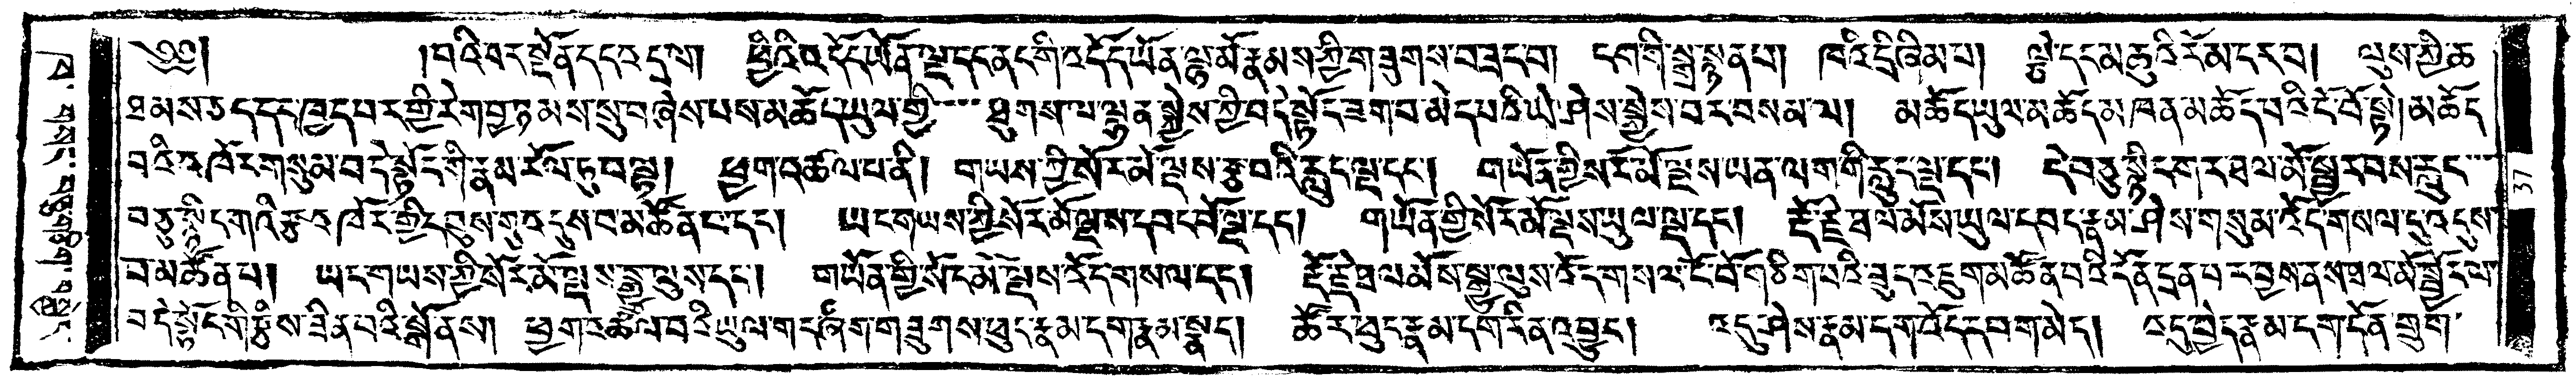༄༅། །པའི་བར་སྔོན་དང་འདྲ་ལ། ཕྱིའི་འདོད་ཡོན་ལྔ་དང་ནང་གི་འདོད་ཡོན་ལྷ་མོ་རྣམས་ཀྱི་གཟུགས་བཟང་བ། ངག་གི་སྒྲ་སྙན་པ། ཁའི་དྲི་ཞིམ་པ། ལྕེ་དང་མཆུའི་རོ་མངར་བ། ལུས་ཀྱི་ཆ་
ཐམས་ཅད་དང་ཁྱད་པར་གྱི་རེག་བྱ་ཉམས་སུ་བཞེས་པས་མཆོད་ཡུལ་གྱི་ཐུགས་པ་ལྷན་སྐྱེས་ཀྱི་བདེ་སྟོང་ཟག་པ་མེད་པའི་ཡེ་ཤེས་སྐྱེས་བར་བསམ་ལ། མཆོད་ཡུལ་མཆོད་མཁན་མཆོད་པའི་ངོ་བོ་སྟེ། མཆོད་
བའི་འཁོར་གསུམ་བདེ་སྟོང་གི་རྣམ་རོལ་ཏུ་བལྟ། ཕྱག་འཚལ་པ་ནི། གཡས་ཀྱི་སོར་མོ་ལྔས་རྩ་བའི་རླུང་ལྔ་དང་། གཡོན་གྱི་སོར་མོ་ལྔས་ཡན་ལག་གི་རླུང་ལྔ་དང་། དེ་བཅུ་སྙིང་གར་ཐལ་མོ་སྦྱར་བས་རླུང་
བཅུ་སྙིང་གའི་རྩ་འཁོར་གྱི་དབུས་སུ་འདུས་བ་མཚོན་པ་དང་། ཡང་གཡས་ཀྱི་སོར་མོ་ལྔས་དབང་པོ་ལྔ་དང་། གཡོན་གྱི་སོར་མོ་ལྔས་ཡུལ་ལྔ་དང་། རྡོ་རྗེ་ཐལ་མོས་ཡུལ་དབང་རྣམ་ཤེས་གསུམ་འོད་གསལ་དུ་འདུས་
བ་མཚོན་པ། ཡང་གཡས་ཀྱི་སོར་མོ་ལྔས་སྒྱུ་ལུས་དང་། གཡོན་གྱི་སོར་མོ་ལྔས་འོད་གསལ་དང་། རྡོ་རྗེ་ཐལ་མོས་སྒྱུ་ལུས་འོད་གསལ་ངོ་བོ་གཅིག་པའི་ཟུང་འཇུག་མཚོན་བའི་དོན་དྲན་བར་བྱས་ནས་ཐལ་མོ་སྦྱོར་ལ་
བདེ་སྟོང་གི་རྩིས་ཟིན་པའི་སྒོ་ནས། ཕྱག་འཚལ་བའི་ཡུལ་གང་ཞིག་གཟུགས་ཕུང་རྣམ་དག་རྣམ་སྣང་། ཚོར་ཕུང་རྣམ་དག་རིན་འབྱུང་། འདུ་ཤེས་རྣམ་དག་འོད་དཔག་མེད། འདུ་བྱེད་རྣམ་དག་དོན་གྲུབ།